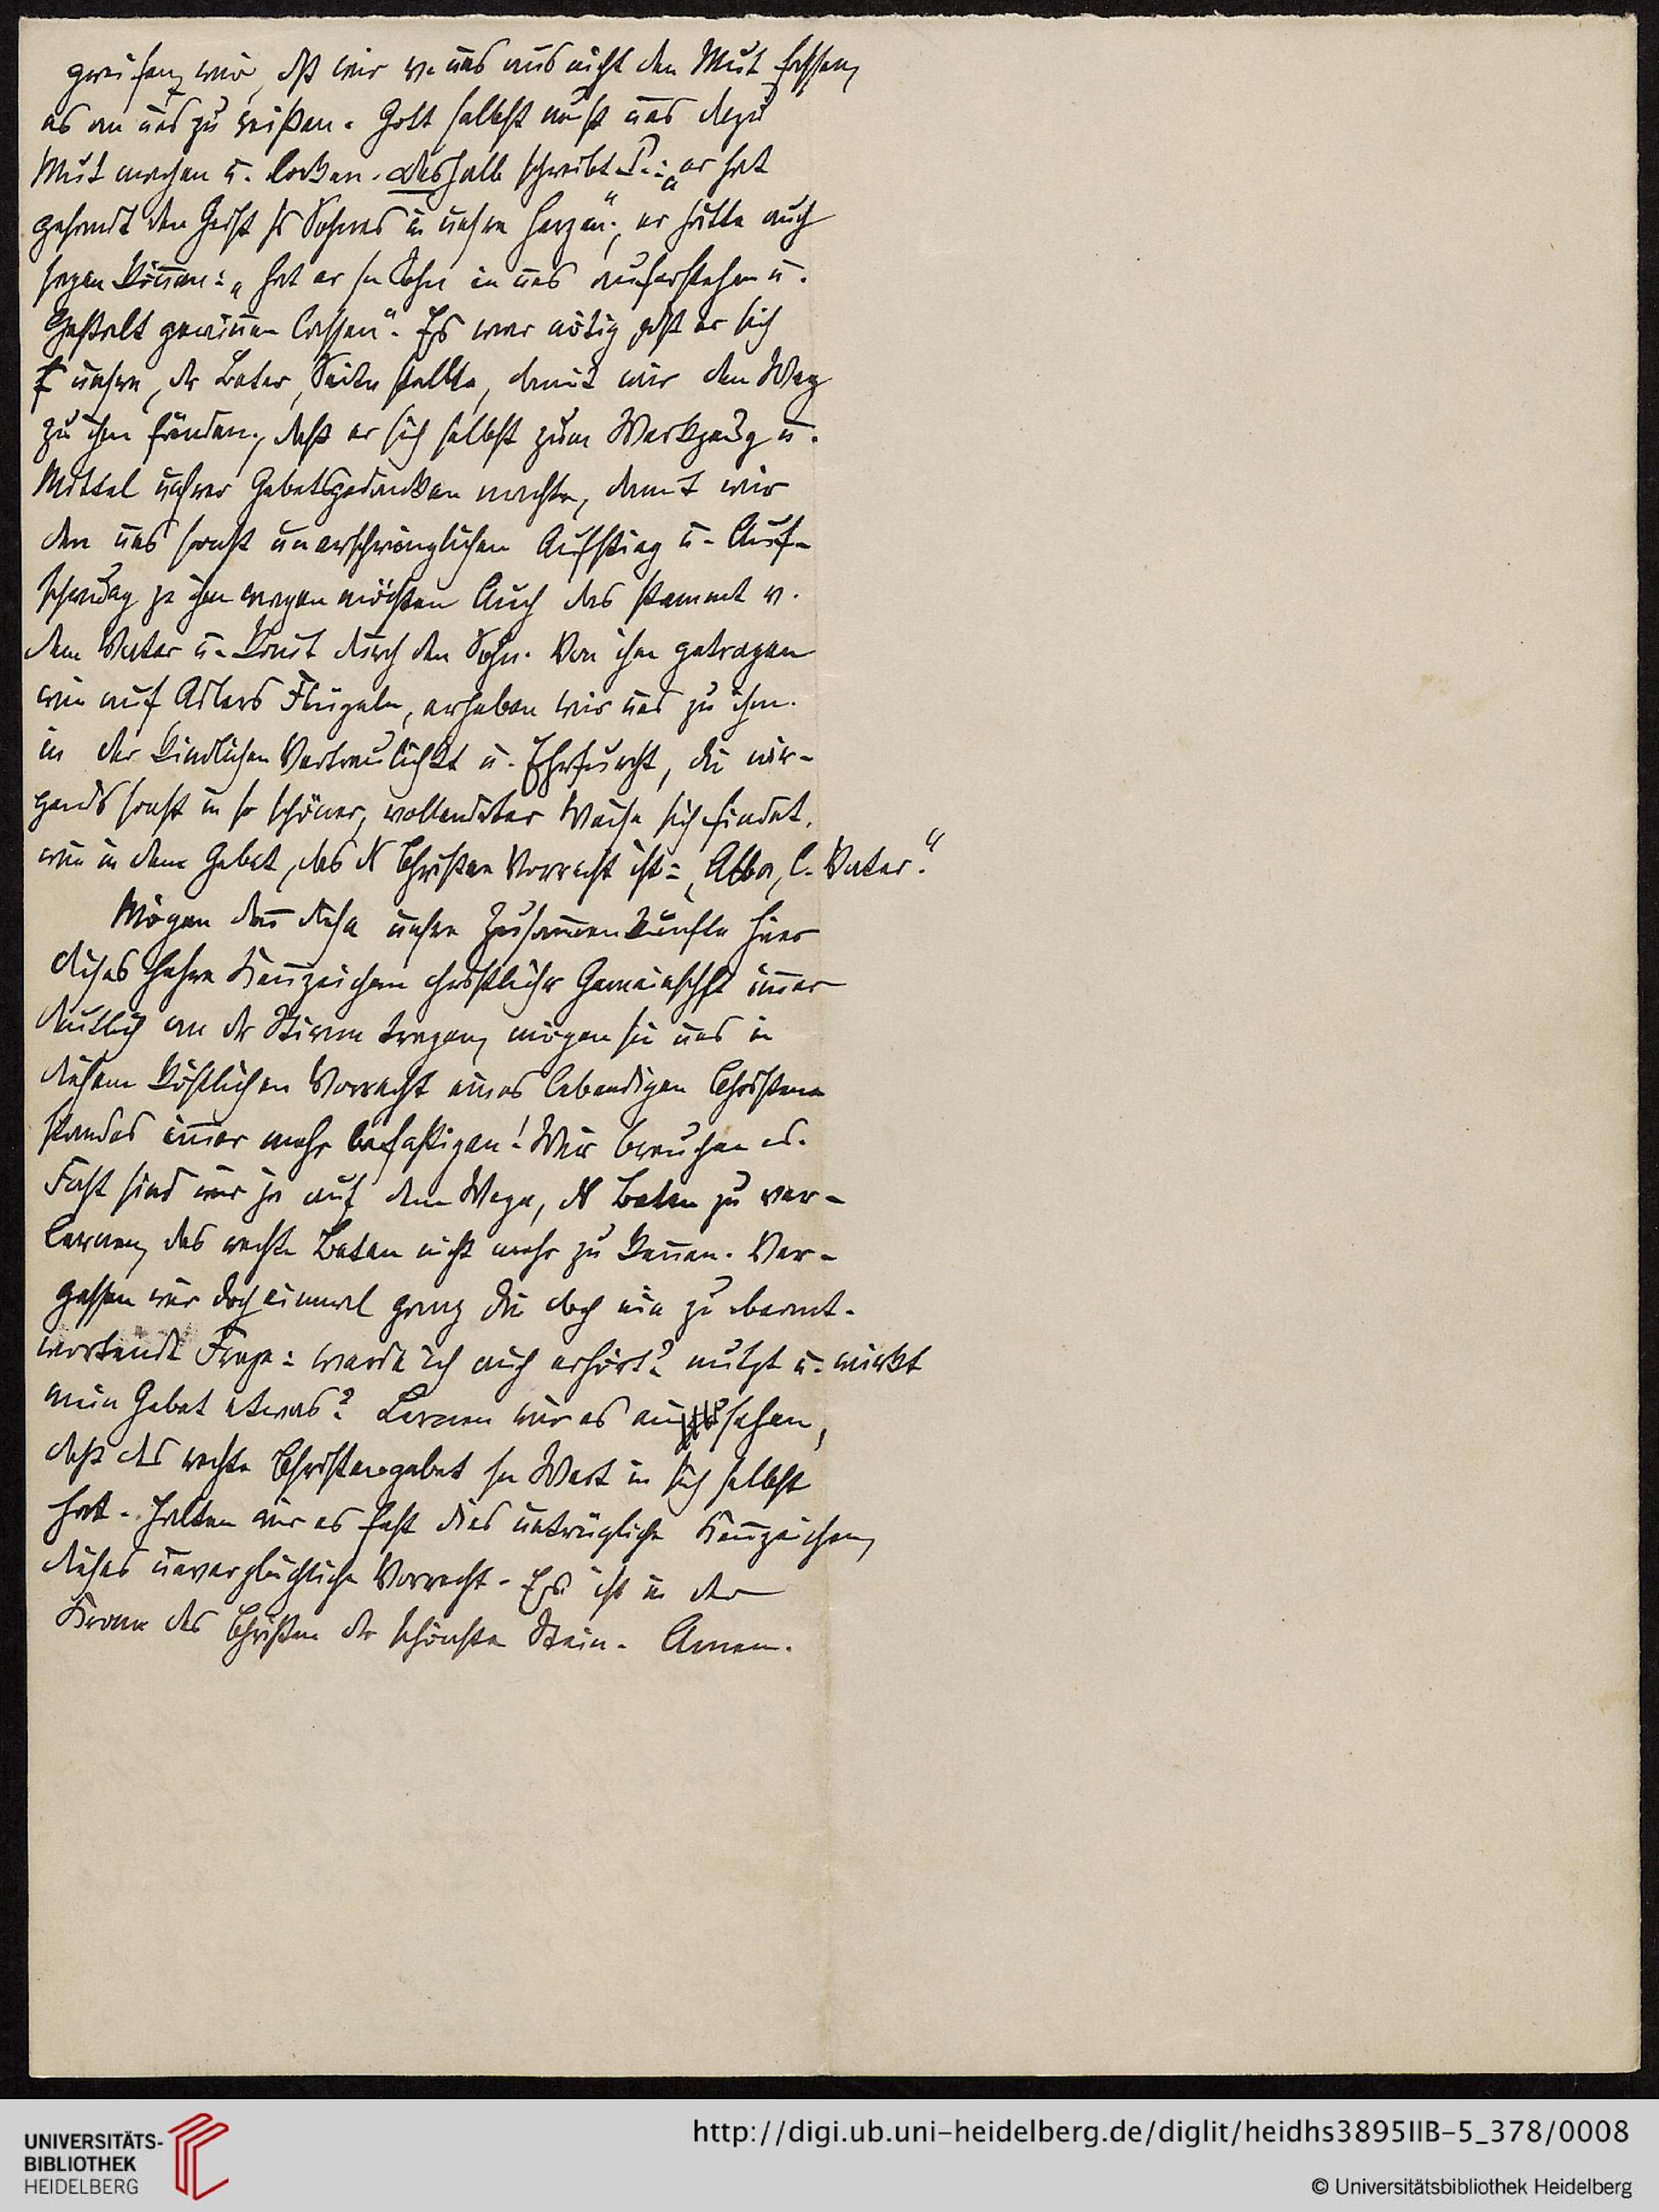greifen, wir, das wir v. uns aus nicht den Mut fassen,
es an uns zu reißen. Gott selbst muß uns dazu
Mut machen u. locken. Deshalb schreibt P.: "er hat
gesandt den Geist s Sohnes in unsere Herzen." er hätte auch
sagen könen: "hat er sn John in uns auferstehen u.
Gestalt gewinen lassen." Es war nötig, daß er sich
f unsre, dr Beter, Seite stellte, damit wir den Weg
zu ihm fänden, daß er sich selbst zum Werkzeug u.
Mittel unsrer Gebetsgedanken machte, damit wir
den uns sonst unerschwänglichen Aufstieg u. Auf¬
schwung zu ihm wagen möchten. Auch das stammt v.
dem Vater u. komt durch den Sohn. Von ihm getragen
wie mit Adlers Flügeln, erheben wir uns zu ihm.
in der kindliche Vertraulichkt. u. Ehrfurcht, die nir¬
gends sonst in so schöner, vollendeter Weise sich findet,
wie in dem Gebet, das des Christen Vorrecht ist: "Abba, l. Vater."
Mögen den diese unser Zusamenkünfte hier
dieses hohe Kenzeichen christlicher Gemeinschaft imer
deutlich an der Stirn tragen, mögen sie uns in
diesem köstlichen Vorrecht eines lebendigen Christen¬
standes imer mehr befestigen! Wir brauchen es.
Fast sind wir ja auf dem Wege, das Beten zu ver¬
lernen, das rechte Beten nicht mehr zu kenen. Ver¬
gessen wir doch einmal ganz die doch nie zu beant¬
wortende Frage: werde ich auch erhört? nutzt u. wirkt
ein Gebet etwas? Lernen wir es einzusehen,
daß das rechte Christengebet sn Wert in sich selbst
hat. Halten wir es fest das untrügliche Kenzeichen,
dieses unvergleichliche Vorrecht. Es ist in der
Krone des Christen der schönsten Stein. Armen